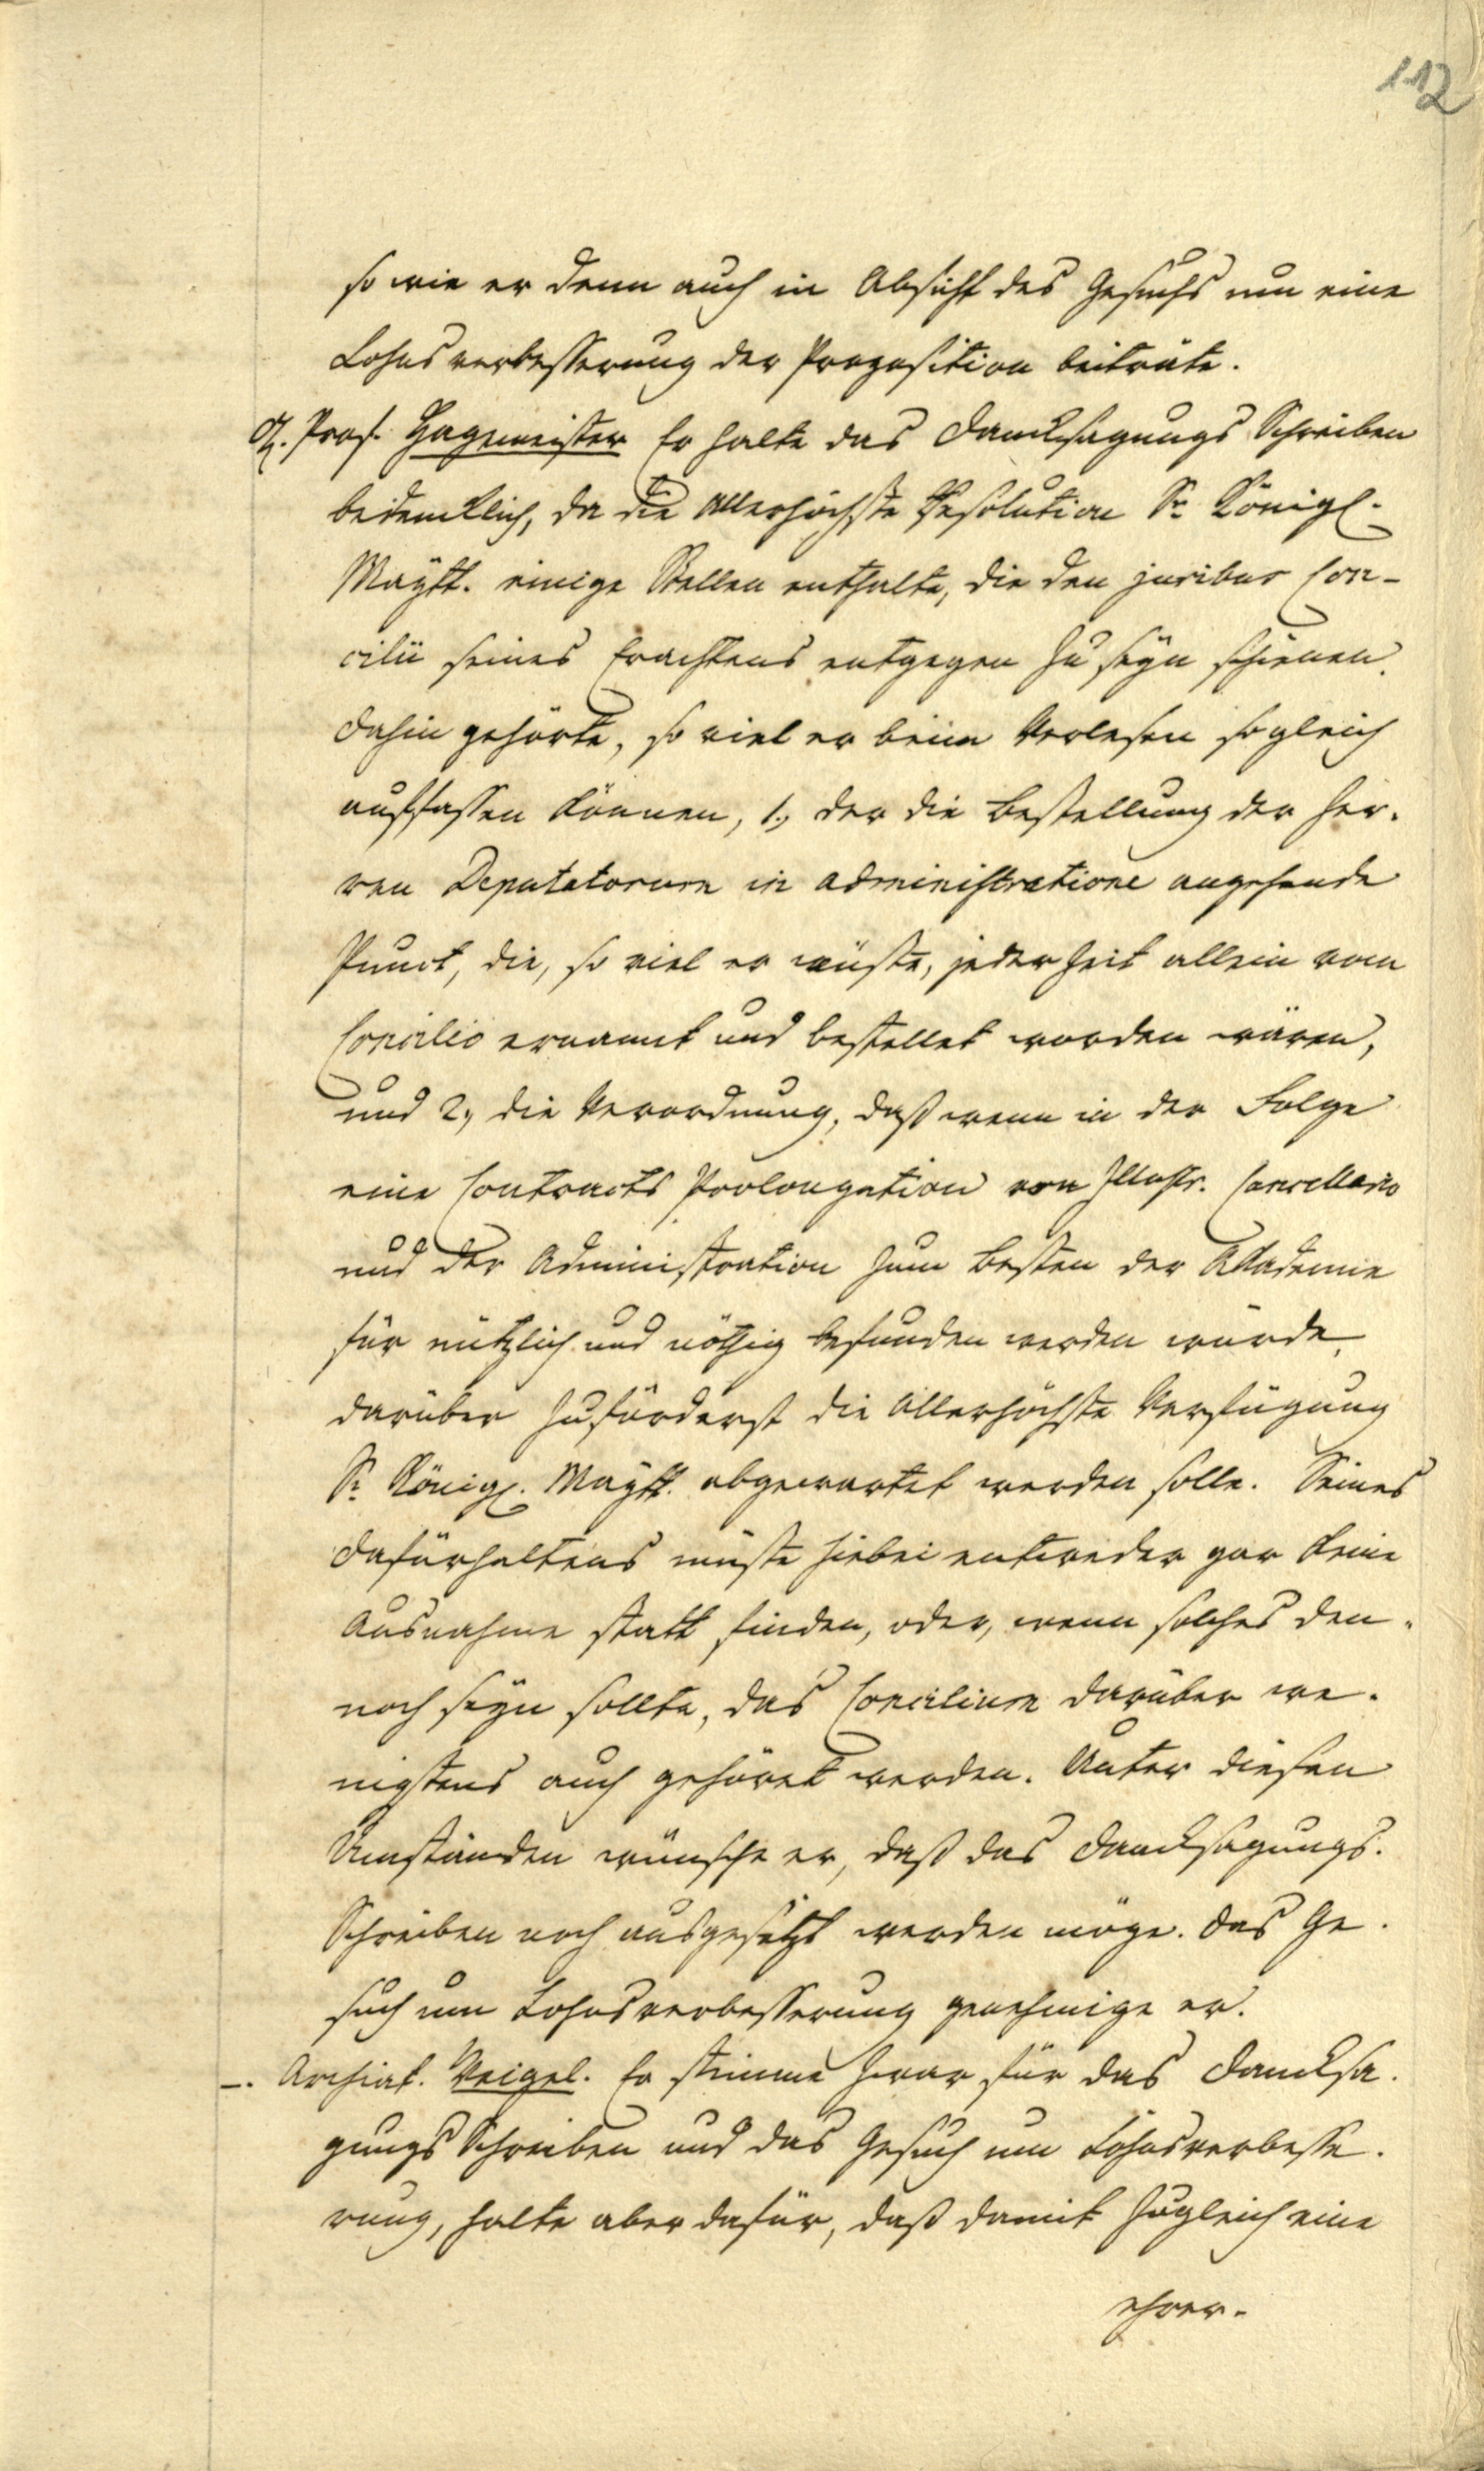so wie er denn auch in Absicht des Gesuchs um eine
Lohns verbesserung der Proposition beiträte.
dh. Prof. Hagemeister Er halte das Dancksagungs Schreiben
bedencklich, da die Allerhöchste Resolution Sr. Königl.
Maÿtt. einige Stellen enthalte, die den juribus Con¬
cilii seines Erachtens entgegen zu seÿn schienen.
Dahin gehörte, so viel er beim Verlesen so gleich
auffassen können, 1., der die Bestellung der Her¬
ren Deputatorum in administratione angehende
Punct, die, so viel er wüßte, jederzeit allein vom
Concilio ernannt und bestellet worden wären,
und 2., die Verordnung, daß wenn in der Folge
eine Contracts Prolongation von Illustr. Cancellario
und der Administration zum Besten der Akademie
für nützlich und nöthig befunden werden würde,
darüber zuförderst die Allerhöchste Verfügung
Sr. Königl. Maÿtt. abgewartet werden solle. Seines
Dafürhaltens müßte hiebei entweder gar keine
Ausnahme statt finden, oder, wenn solches den¬
noch seÿn sollte, das Concilium darüber we¬
nigstens auch gehöret werden. Unter diesen
Umständen wünsche er, daß das Dancksagungs¬
Schreiben noch ausgesetzt werden möge. Das Ge¬
such um Lohns Verbesserung genehmiget er.
Archiat. Weigel. Er stimme zwar für das Dancksa¬
gungs Schreiben und das Gesuch um Lohnsverbesse-
rung, halte aber dafür, daß damit zugleich eine
ehrer